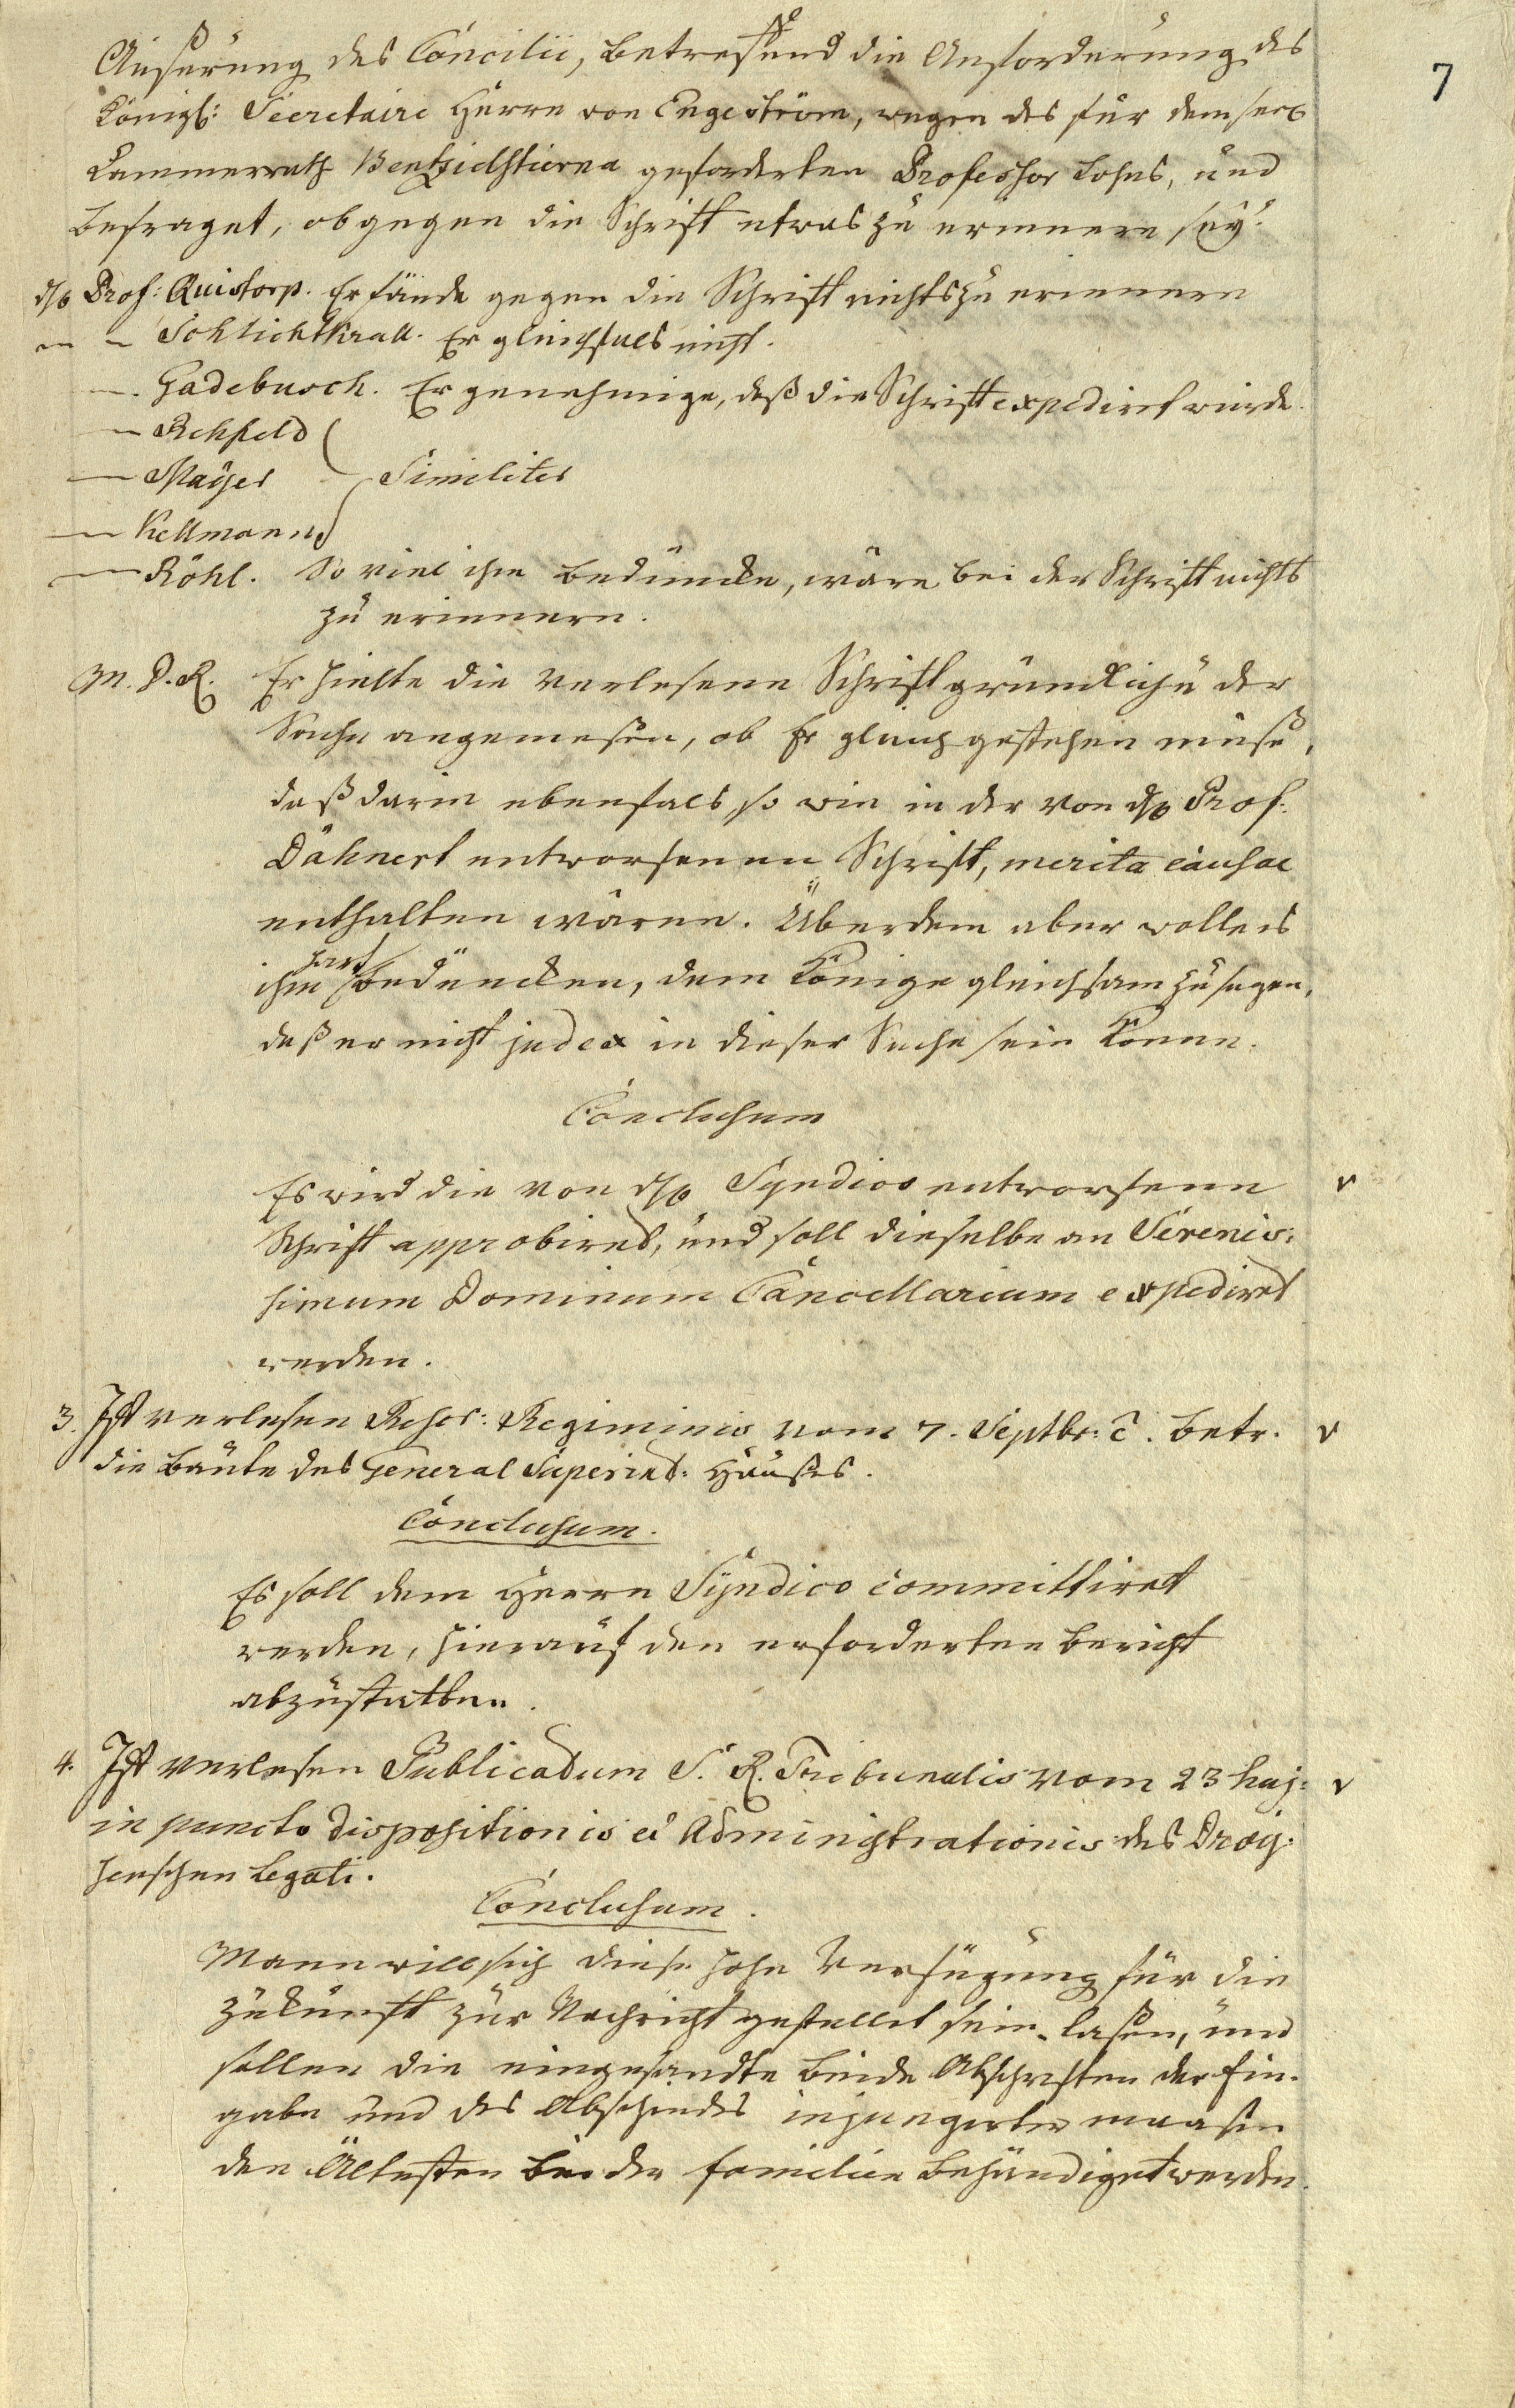Äußerung des Concilii, betreffend die Anforderung des
Königl. Secretaire Herrn von Engeström, wegen des für dem seel.
Cammerrath Bentzelstierna geforderten Professor Lohns, und
befraget, ob gegen die Schrift etwas zu erinnern seÿ?
dh Prof. Quistorp. Er fände gegen die Schrift nichts zu erinnern
Schlichtkrull. Er gleichfals nicht.
Gadebusch. Er genehmige, daß die Schrift expediret würde.
Rehfeld
Maÿer Similiter
Kellmann
Röhl. So viel ihm bedüncke, wäre bei der Schrift nichts
zu erinnern.
M. D. R. Er hielte die verlesene Schrift gründlich u der
Sache angemeßen, ob Er gleich gestehen müße,
daß darin ebenfals, so wie in der von dh Prof.
Dähnert entworfenen Schrift, merita causae
enthalten wären. Überdem aber wolle es
ihm hart bedüncken, dem Könige gleichsam zu sagen,
daß er nicht judece in die er Sache sein könne.
Conclusum
Es wird die von dh Syndico entworfene
Schrift approbiret, und soll dieselbe an Serenis¬
simum Dominum Cancellarium expediret
werden.
3. Ist verlesen Rescr. Regiminis vom 7. Septbr c. betr.
die Baute des General Superint. Haußes.
Conclusum
Es soll dem Herrn Sÿndico committiret
werden, hierauf den erforderten Bericht
abzustatten.
4. Ist verlesen Publicatum S. R. Tribunalis vom 23. huj.
in puncto dispositionis et Administrationis des Droÿ¬
senschen Legati.
Conclusum.
Mann will sich diese hohe Verfügung für die
Zukunft zur Nachricht gestellet sein laßen, und
sollen den eingesandte beide Abschriften der Ein¬
gabe und des Abschiedes injungirter maaßen
den Ältesten beider Familien behändiget werden.